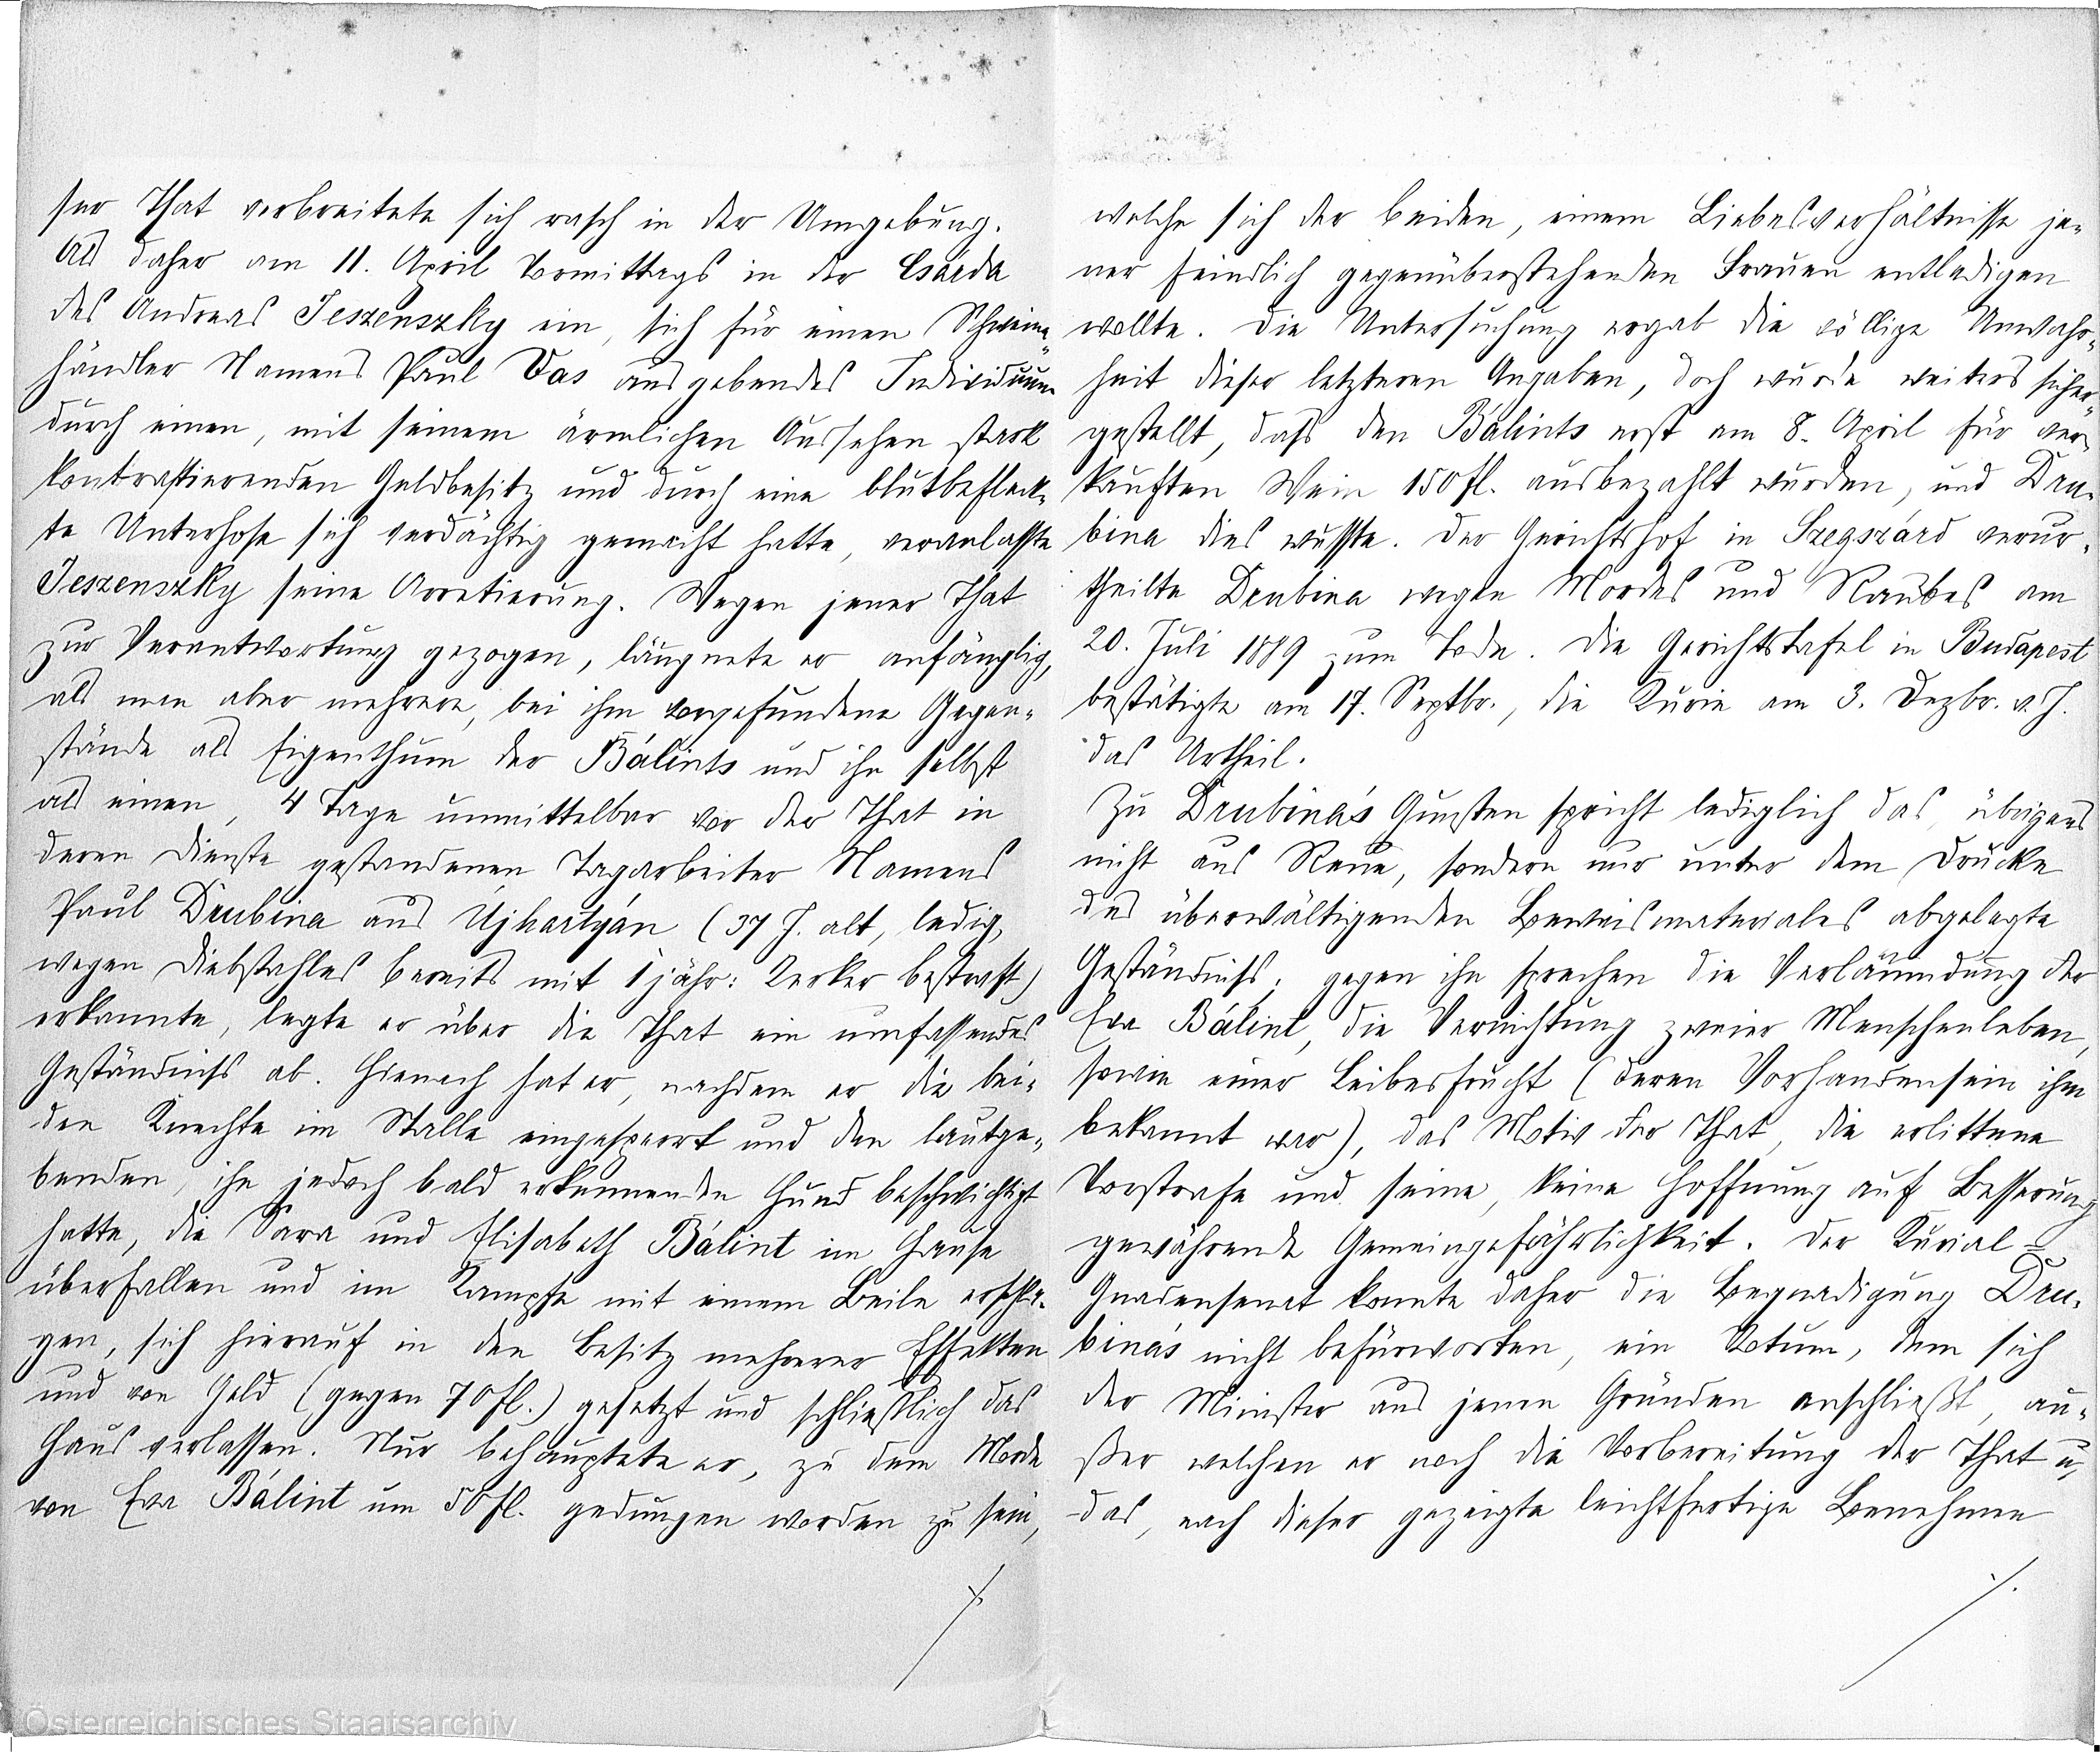ser That verbreitete sich rasch in der Umgebung.
Als daher am 11. April Vormittags in der Csárda
des Andreas Jeszenszky ein, sich für einen Schweine¬
händler Namens Paul Vas ausgebendes Individuum
durch einen, mit seinem ärmlichen Aussehen stark
kontrastierenden Geldbesitz und durch eine blutbefleck¬
te Unterhofse sich verdächtig gemacht hatte, veranlasste
Jeszenszky seine Arretierung. Wegen jener That
zur Verantwortung gezogen, läugnete er anfänglig,
als man aber mehrere, bei ihm vorgefundene Gegen¬
stände als Eigenthum der Bálints und ihn selbst
als einen, 4 Tage unmittelbar vor der That in
deren Dienste gestandenen Tagarbeiter Namens
Paul Drubina aus Újhartyán (37 J. alt, ledig,
wegen Diebstahles bereits mit 1jähr: Kerkerbestraf)
erkannte, legte er über die That ein umfassendes
Geständnis ab.Hienach hat er, nachdem er die bei¬
den Knechte im Stalle eingesperrtund den lautge¬
benden, ihn jedoch bald erkennenden Hund beschwichtigt
hatte, die Sara und Elisabeth Bálint im Hause
überfallen und im Kampfe mit einem Beile erschla¬
gen, sich hierauf in den Besitz mehrerer Effekten
und von Geld (gegen 70 fl.) gesetzt und schließlich das
Haus verlassen. Nur behauptete er, zu dem Morde
von Eva Bálint um 50 fl. gedungen werden zu sein,
welche sich der beiden, einem Liebesverhältnisse je¬
ner feindlich gegenüberstehenden Frauen entledigen
wollte. Die Untersuchung ergab die völlige Unwahr¬
heit dieser letzteren Angaben, doch wurde weiters sicher¬
gestellt, dass den Bálints erst am 8. April für ver¬
kauften Wein 150 fl. ausbezahlt wurden, und Dru¬
bina dies wusste. Der Gerichtshof in Szegszárd verur¬
theilte Drubina wegen Mordes und Raubes am
20. Juli 1889 zum Tode. Die Gerichtstafel in Budapest
bestätigte am 17. Septbr.,die Kurie am 3. Dezbr. v. J.
das Urtheil.
Zu Drubina's Gunsten spricht lediglich das, übrigens
nicht aus Reue, sondern nur unter dem Drucke
des überwältigenden Beweismateriales abgelegte
Geständniss, gegen ihn sprechen die Verläumdung der
Eva Bálint, die Vernichtung zweier Menschenleben,
sowie einer Leibesfrucht (deren Vorhandensein ihm
bekannt war), das Motiv der That, die erlittene
Vorstrafe und seine, keine Hoffnung auf Besserung
gewährende Gemeingefährlichkeit. Der Kurial ¬
Gnadensenat konnte daher die Begnadigung Dru¬
binás nicht befürworten, ein Votum, dem sich
der Minister aus jenen Gründen anschließt, au¬
ßer welchen er noch die Vorbereitung der That u,
das nach dieser gezeigte leichtfertige Benehmen